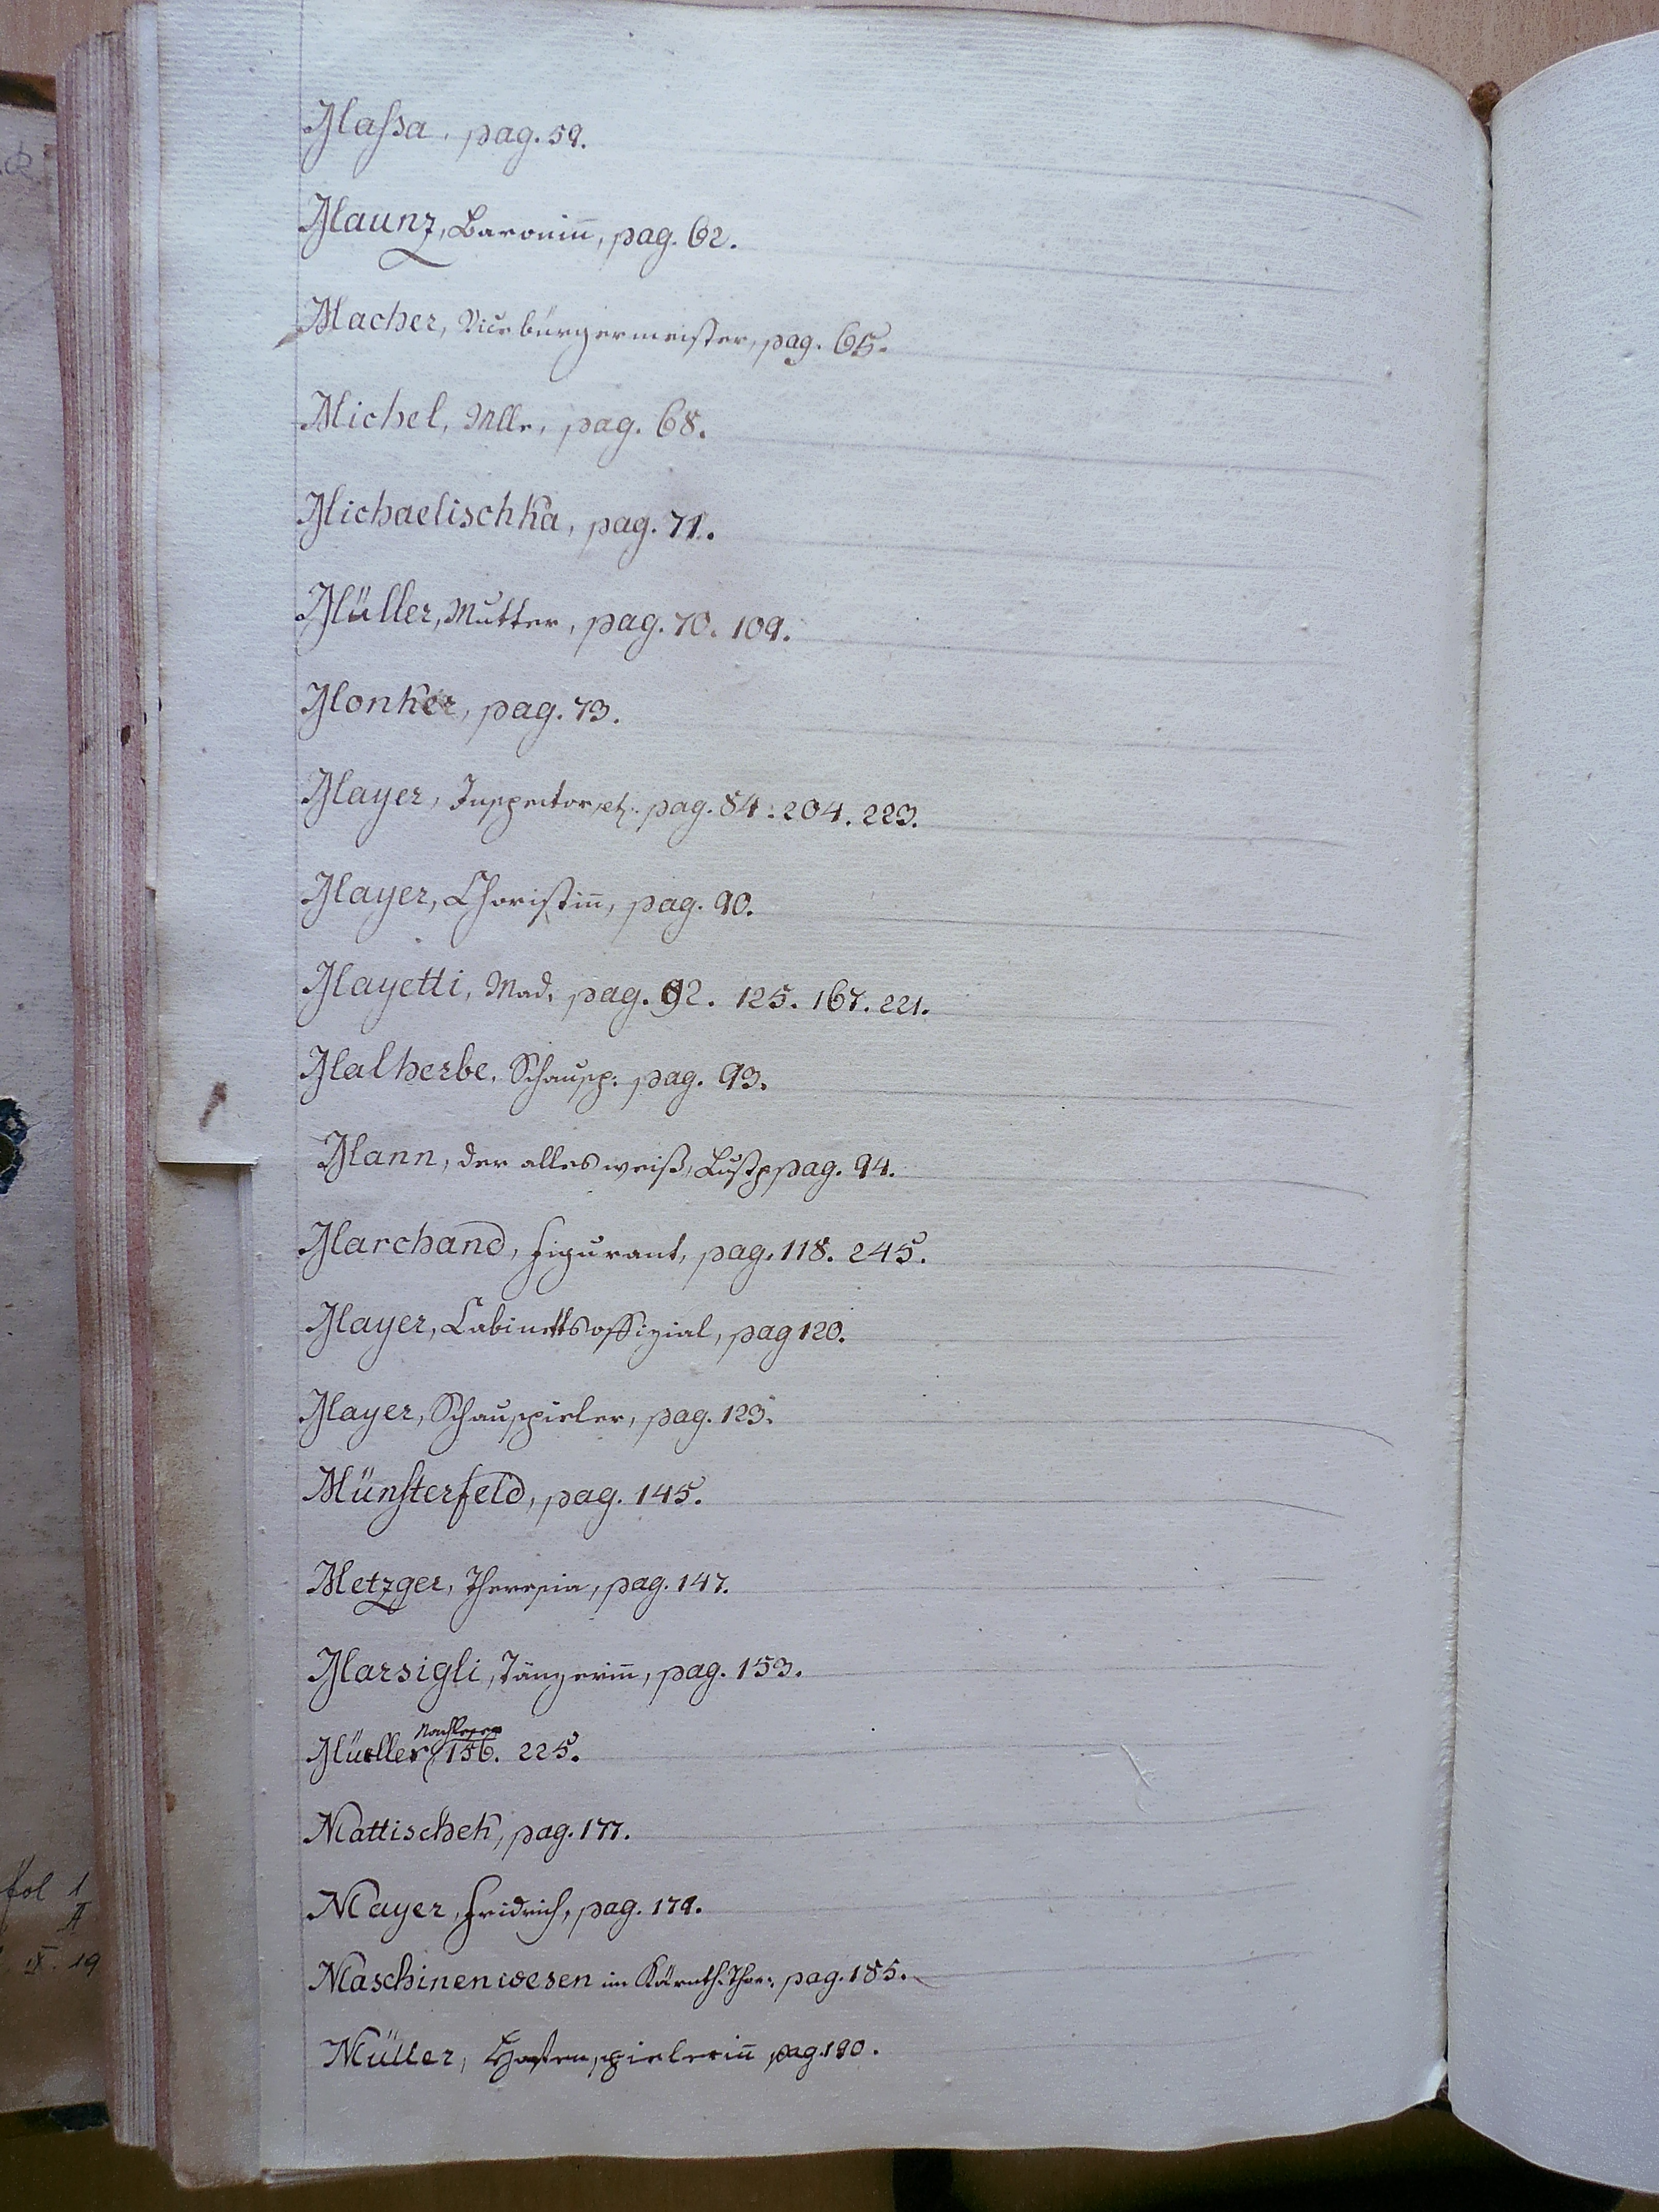Massa, pag. 59.
Maunz, Baronin̅, pag. 62.
Macher, Vicebürgermeister, pag. 65.
Michel, Mlle, pag. 68.
Michaelischka, pag. 71.
Müller, Mutter, pag. 70. 109.
Monker, pag. 73.
Mayer, Inspector, etz. pag. 84. 204. 223.
Mayer, Choristin̅, pag. 90.
Mayetti, Mad. pag. 92. 125. 167. 221.
Malherbe, Schausp: pag. 93.
Mann, der alles weiß, Lustp. pag. 94.
Marchand, Figurant, pag. 118. 245.
Mayer, Cabinettsoffizial, pag 120.
Mayer, Schauspieler, pag. 123.
Münsterfeld, pag. 145.
Metzger, Theresia, pag. 147.
Marsigli, Tänzerin̅, pag. 153.
MüellerNachleser, 156. 225.
Mattischek, pag. 177.
Mayer, Fridrich, pag. 179.
Maschinenwesen im Kärnth. Thor: pag. 185.
Müller, Harfenspielerin̅ pag. 190.